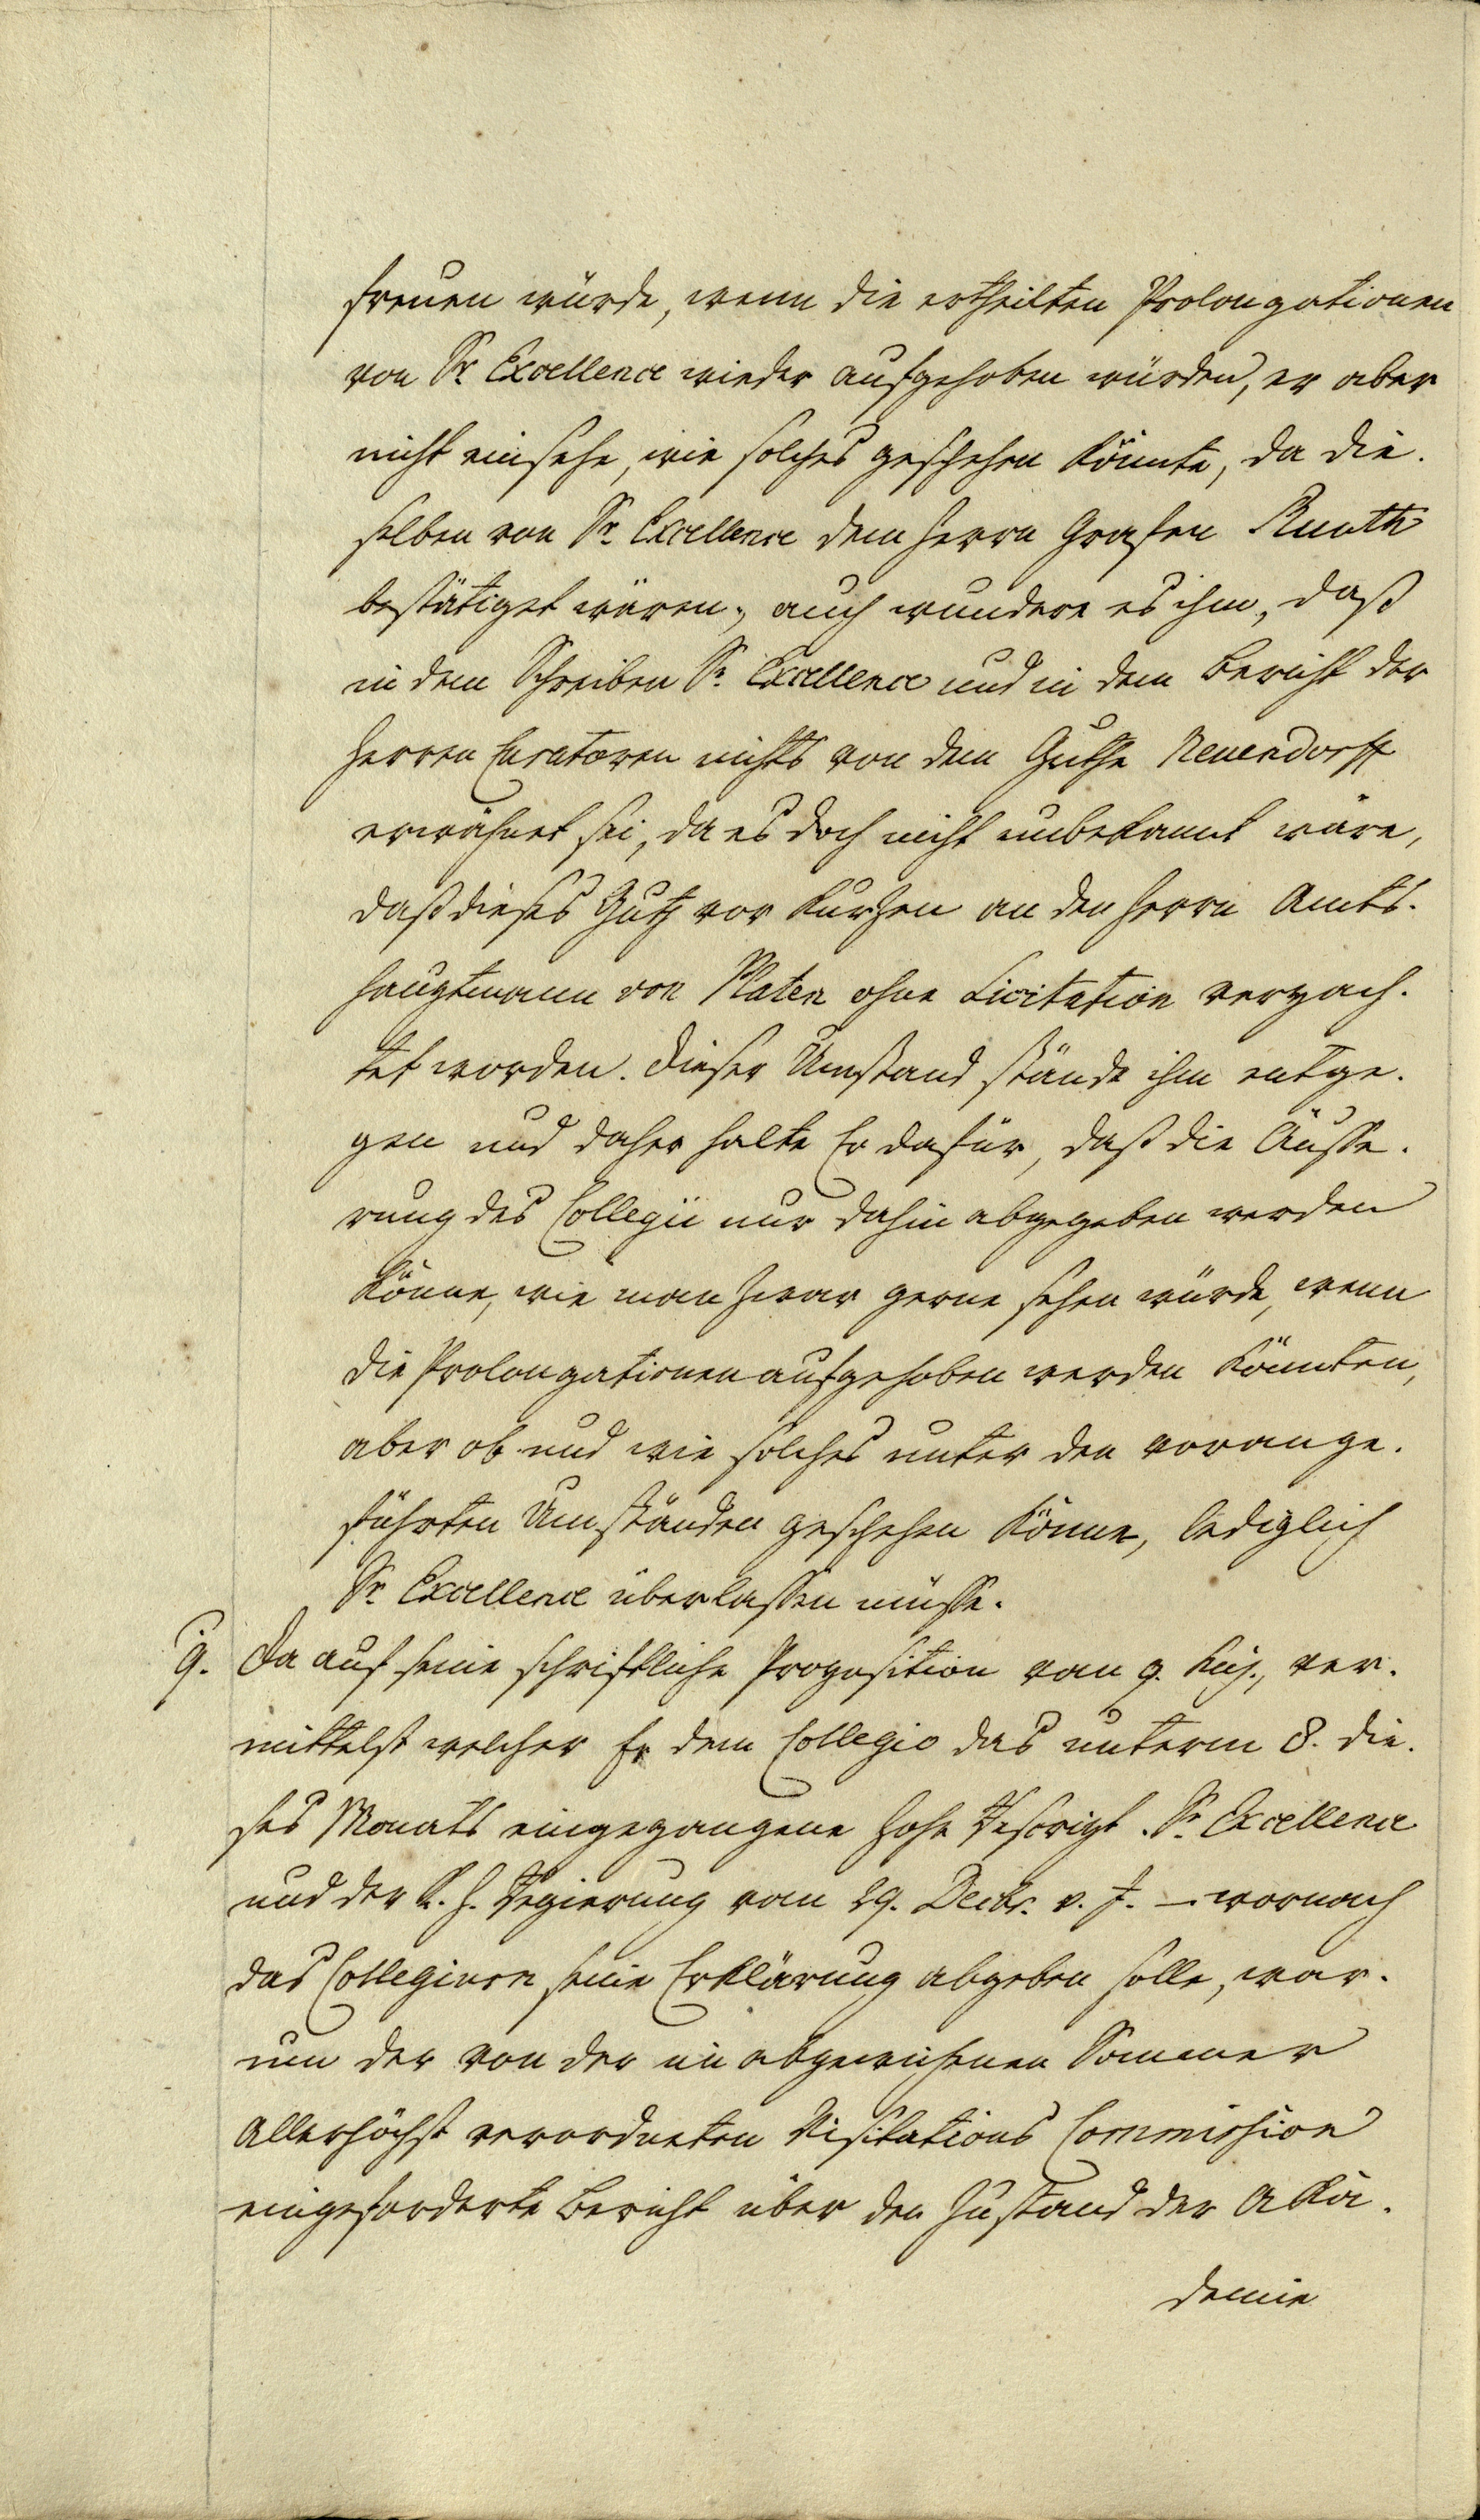freuen würde, wenn die ertheilten Prolongationen
von Sr Excellence wieder aufgehoben würden, er aber
nicht einsehe, wie solches geschehen könnte, da die¬
selben von Sr Excellence dem Herrn Grafen Ruuth
bestätiget wären; auch wundere es ihm, daß
in dem Schreiben Sr Excellence und in dem Bericht der
Herren Curatoren nichts von dem Guthe Neuendorff
erwähnet sei, da es doch nicht unbekannt wäre,
daß dieses Guth vor kurzen an den Herrn Amts¬
Hauptmann von Platen ohne Licitation verpach¬
tet worden. Dieser Umstand stände ihm entge¬
gen und daher halte Er dafür, daß die Äusse¬
rung des Collegii nur dahin abgegeben werden
könne, wie man zwar gerne sehen würde, wenn
die Prolongationen aufgehoben werden könnten,
aber ob und wie solches unter den vorange¬
führten Umständen geschehen könne, lediglich
Sr Excellence überlassen müsse.
9. Da auf seine schriftliche Proposition vom 9. huj., ver¬
mittelst welcher Er dem Collegio das unterm 8. die¬
ses Monats eingegangene hohe Rescript Sr. Excellence
und der K. H. Regierung vom 29. Decbr. v. J. wornach
das Collegium seine Erklärung abgeben solle, war¬
um der von der im abgewichenen Sommer
allerhöchst verordneten Visitations Commission
eingeforderte Bericht über den Zustand der Aka¬
demie